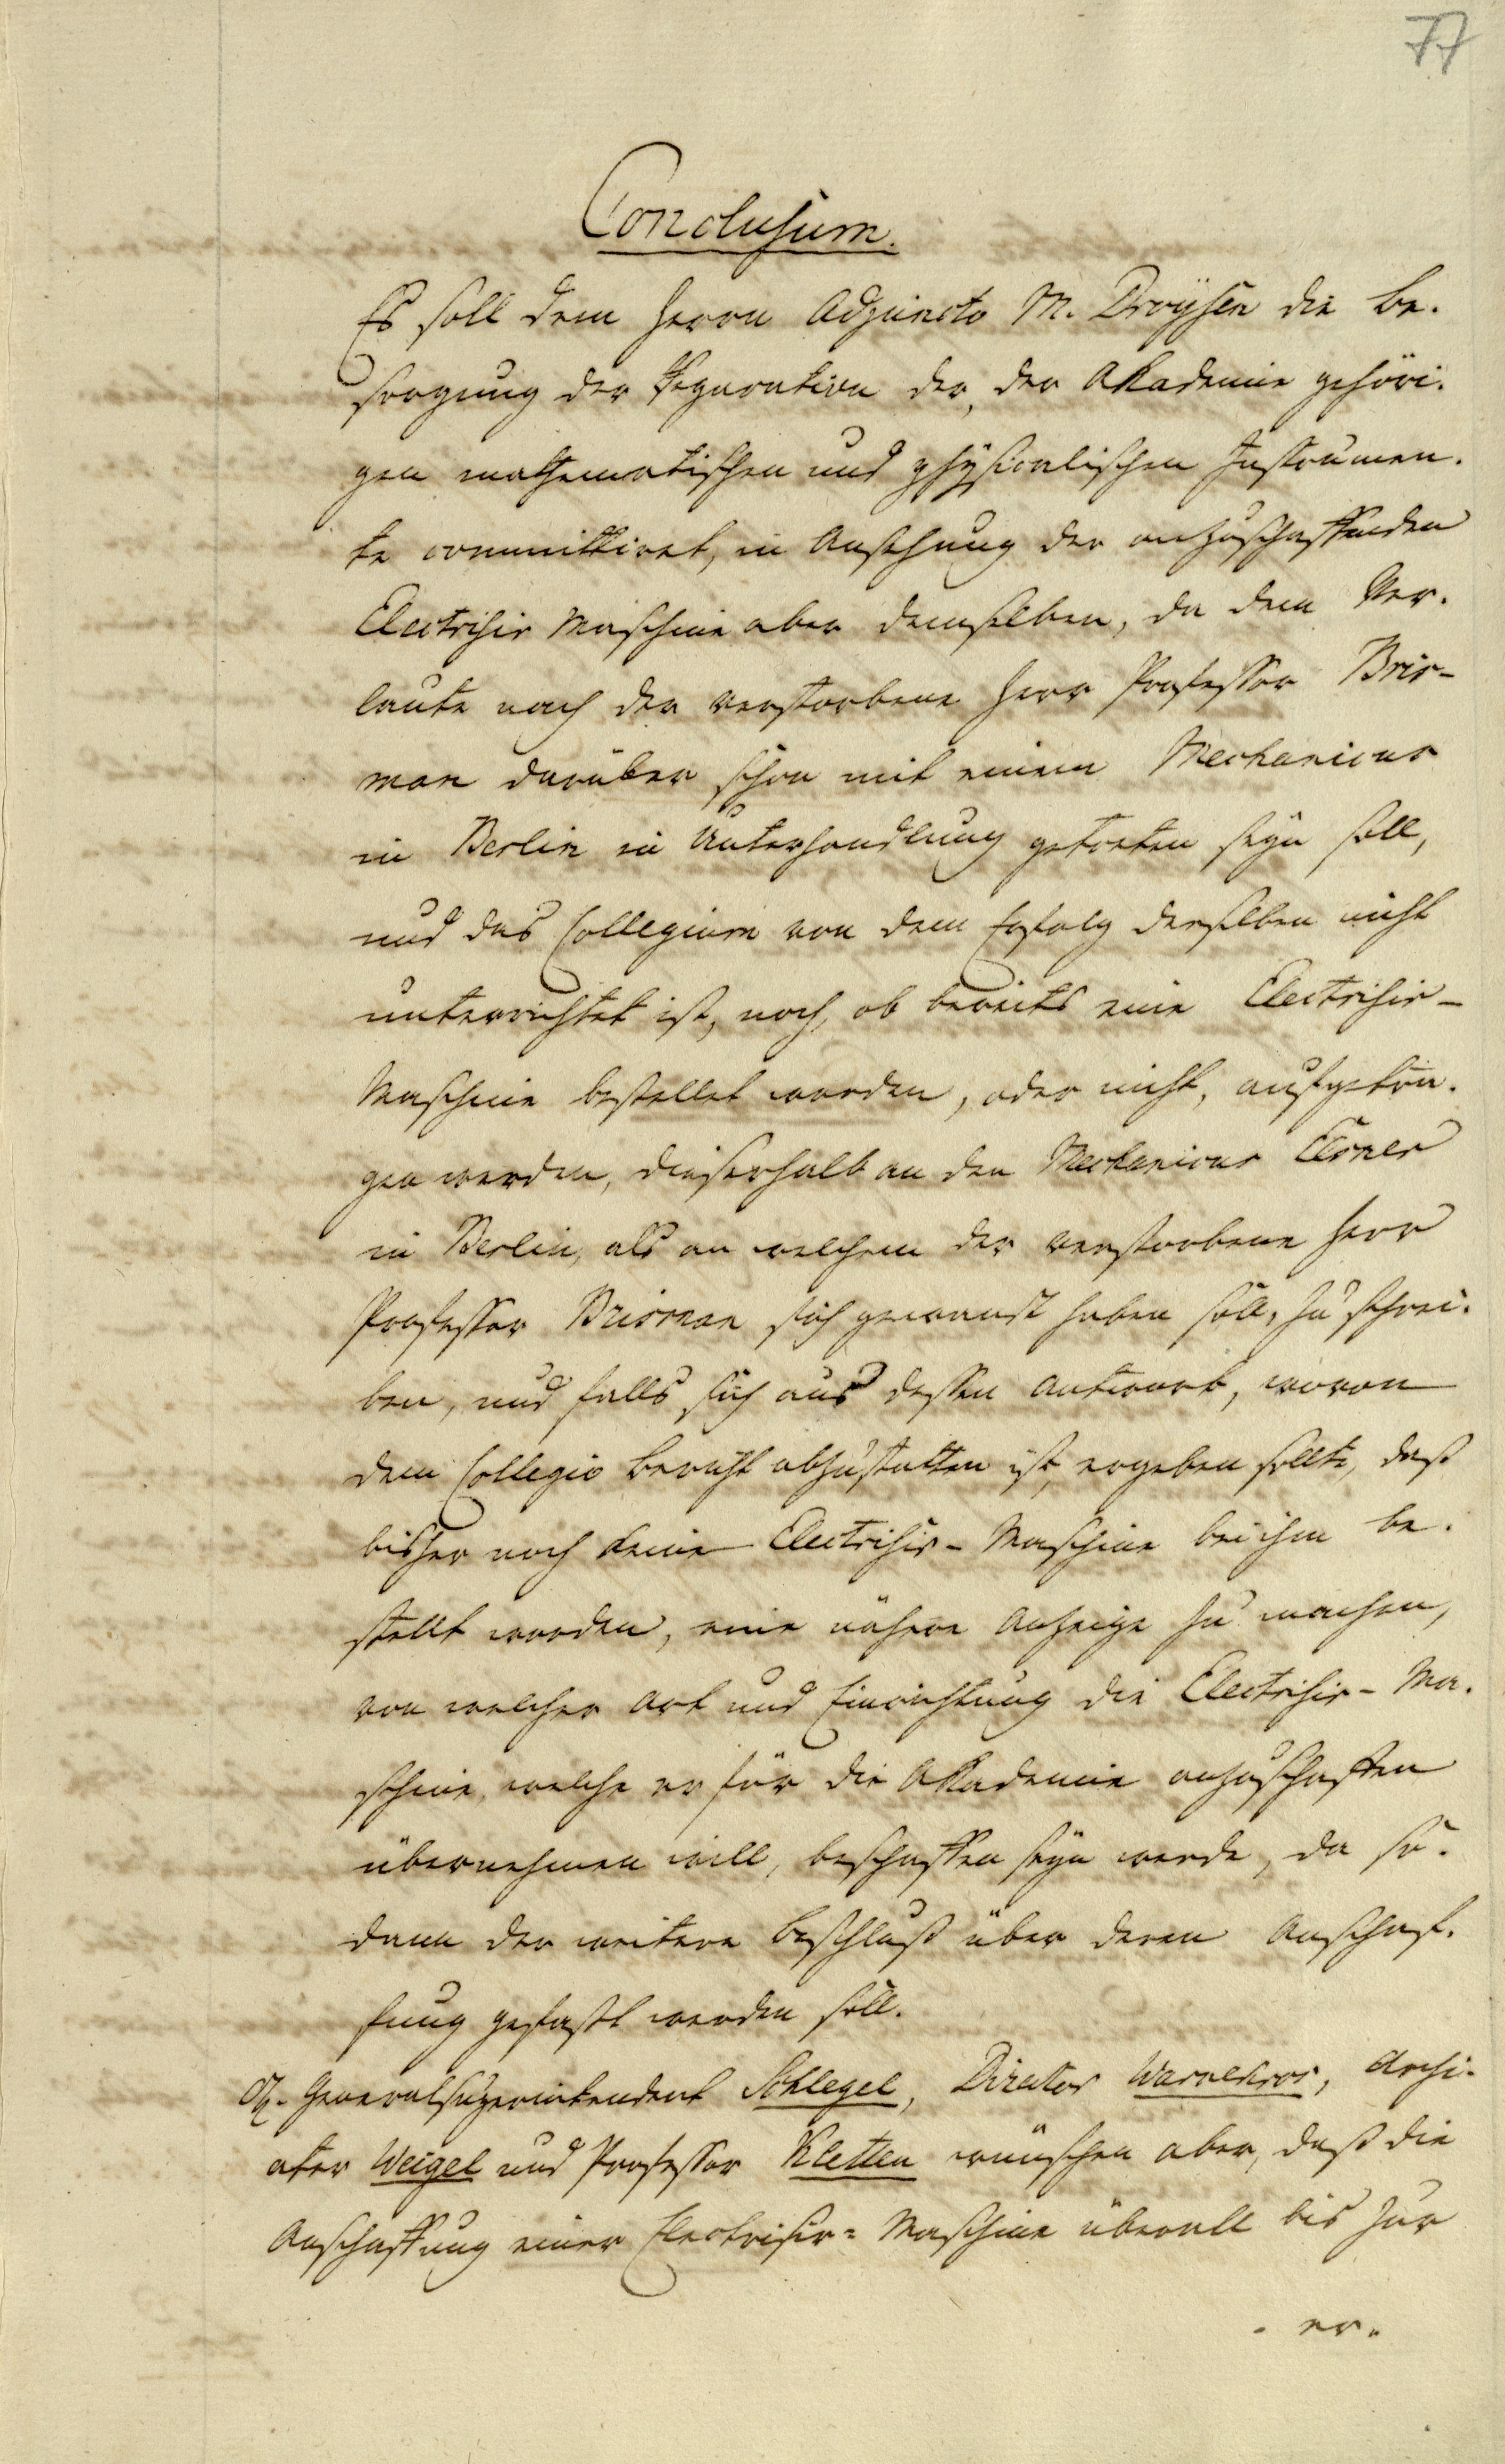Conclusum
Es soll dem Herrn Adjuncto M. Droÿsen die Be¬
sorgung der Reparation der, der Akademie gehöri¬
gen mathematischen und phÿsicalischen Instrumen¬
te committiret, in Ansehung der anzuschaffenden
Electrisir Maschine aber demselben, da dem Ver¬
laute nach der verstorbene Herr Professor Bris¬
man darüber schon mit einem Mechanicus
in Berlin in Unterhandlung getreten seÿn soll,
und das Collegium von dem Erfalg derselben nicht
unterrichtet ist, noch ob bereits eine Electrisir-
Maschine bestellet worden, oder nicht, aufgetra¬
gen werden, dieserhalb an den Mechanicus Elsner
in Berlin, als an welchem der verstorbene Herr
Professor Brisman sich gewandt haben soll, zu schrei¬
ben, und falls sich aus dessen Antwort, wovon
dem Collegio Bericht abzustatten ist, ergeben sollte, daß
bisher noch keine Electrisir - Maschine bei ihm be¬
stellt worden, eine nähere Anzeige zu machen,
von welcher Art und Einrichtung die Electrisir- Ma¬
schine, welche er für die Akademie anzuschaffen
übernehmen will, beschaffen seÿn werde, da so¬
dann der weitere Beschluß über deren Anschaf¬
fung gefaßt werden soll.
dh. Generalsuperintendent Schlegel, Director Warnekros, Archi¬
ater Weigel und Professor Kletten wünschen aber, daß die
Anschaffung einer Electrisir- Maschine überall bis zur
er¬